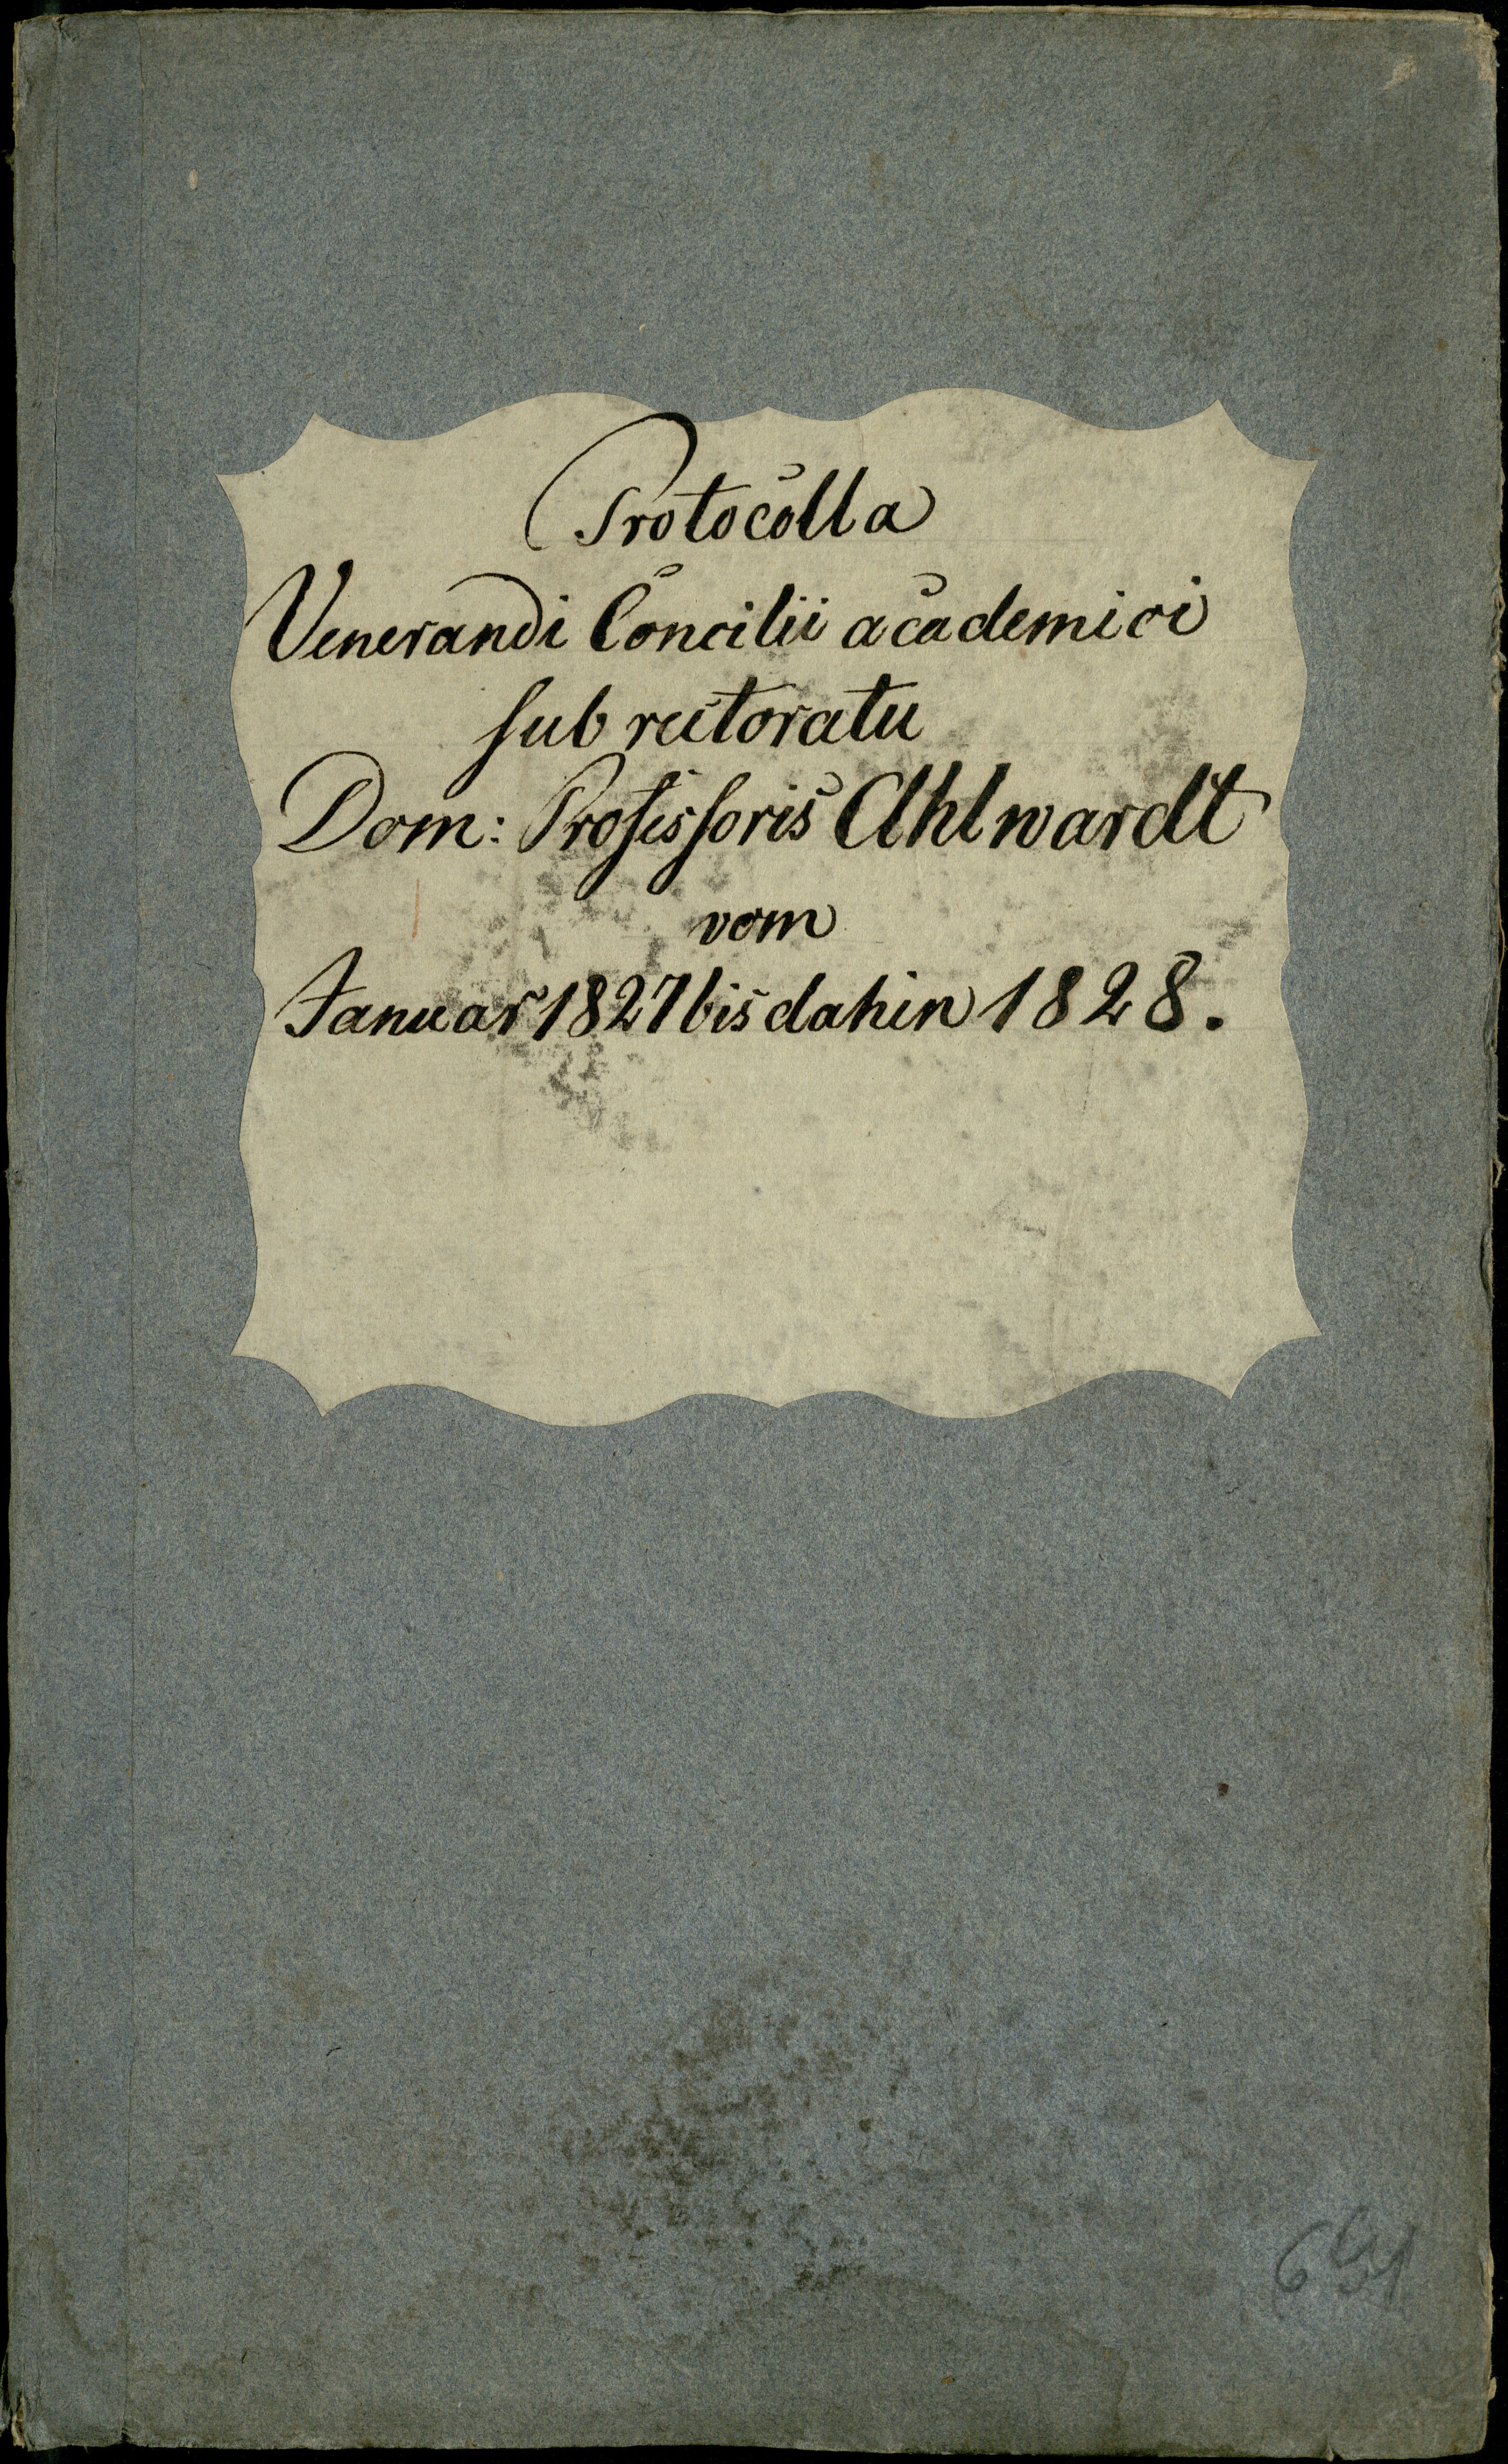Protocolla
Venerandi Concilii academici
sub rectoratu
Dom: Professoris Ahlwardt
vom
Januar 1827 bis dahin 1828.